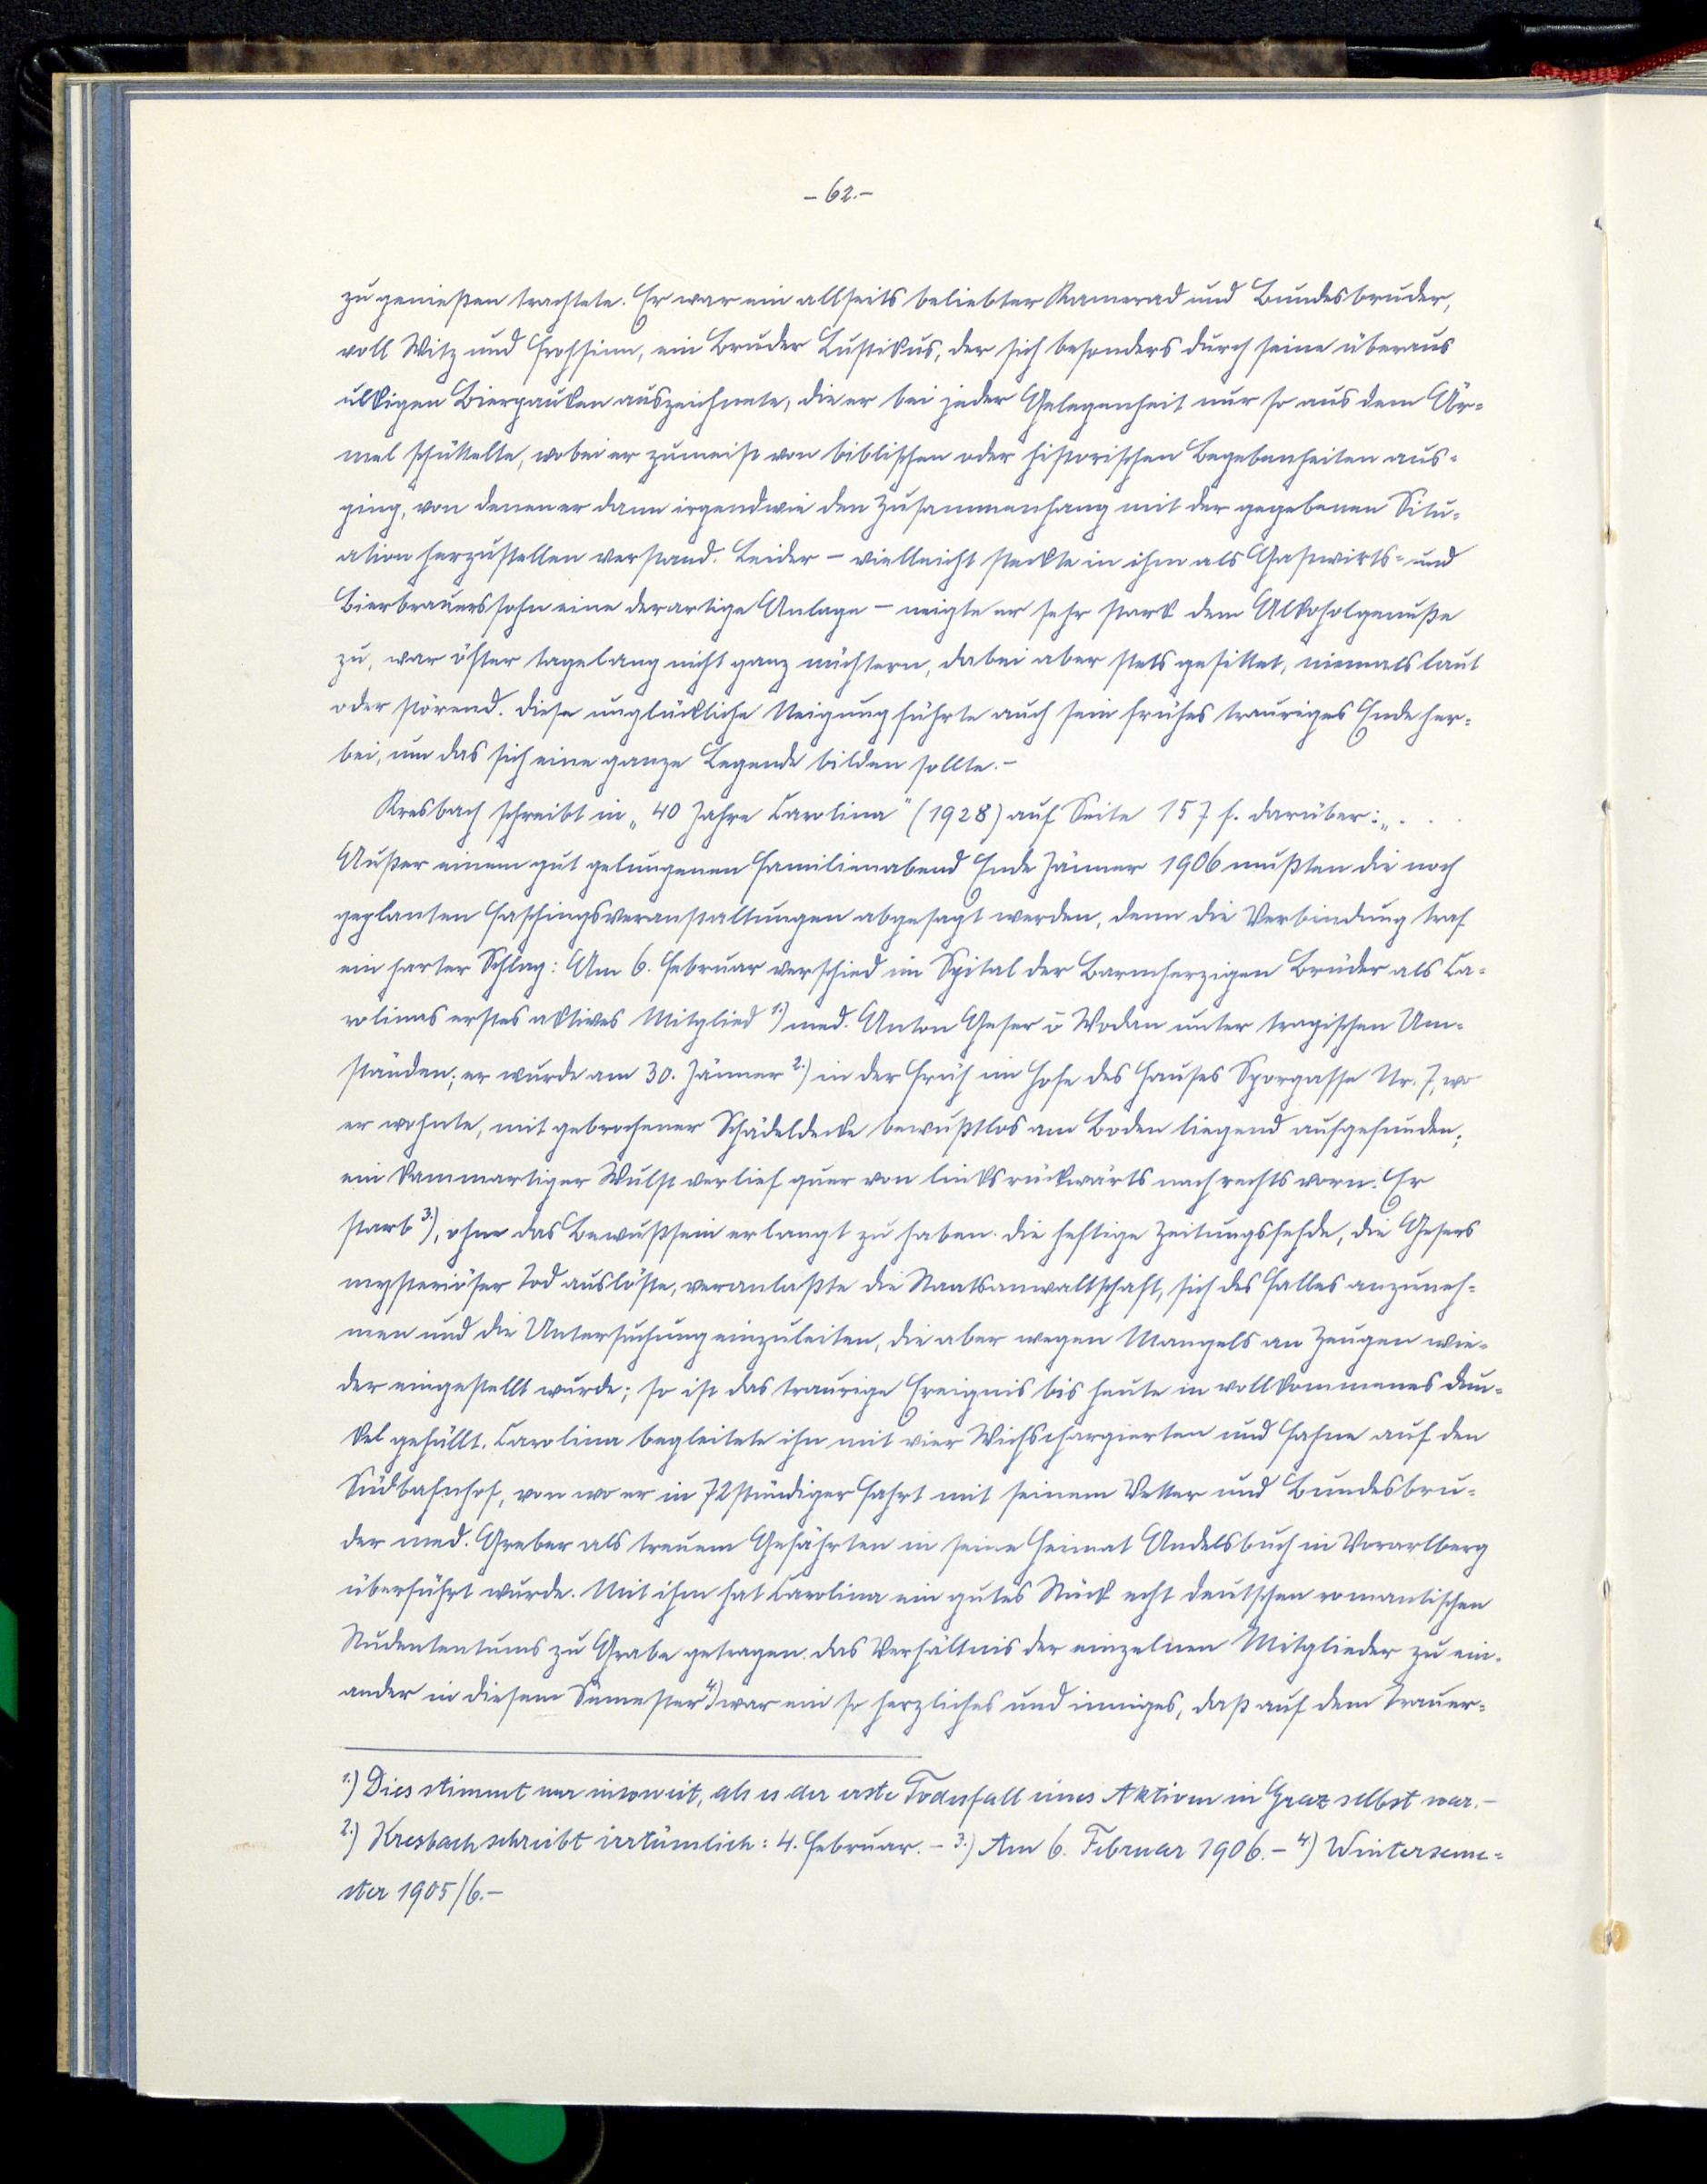62
zu genießen trachtete. Er war ein allseits beliebter Kamerad und Bundesbruder,
voll Witz und Frohsinn, ein Bruder Luftikus, der sich besonders durch seine überaus
ulkigen Bierpauken auszeichnete, die er bei jeder Gelegenheit nur so aus dem Är-
mel schüttelte, wobei er zumeist von biblischen oder historischen Gegebenheiten aus-
ging, von denen er dann irgendwie im Zusammenhang mit der gegebenen Situ-
ation herzustellen verstand. Leider-vielleicht steckte in ihm als Gastwirts- und
Bierbrauersohn eine derartige Anlage-neigte er sehr stark dem Alkoholgenuße
zu, war öfter tagelang nicht ganz nüchtern, dabei aber stets gesittet, niemals laut
oder störend. Diese unglückliche Neigung führte auch sein frühes trauriges Ende her-
bei, um das sich eine ganze Legende bilden sollte.-
Kresbach schrieb in „40 Jahre Carolina“ (1928) auf Seite 157 f. darüber: „…
Außer einem gut gelungenen Familienabend Ende Jänner 1906 mußten die noch
geplanten Faschingsveranstaltungen abgesagt werden, der die Verbindung traf
ein harter Schlag: Am 6. Februar verschiedentlich der Barmherzigen Brüder als Ca-
rolines erstes aktives Mitglied 1) med. Anton Geser v/p Wodan unter tragischen Um-
ständen; er wurde am 30. Jänner 2) in der Frühe im Hofe des Hauses Sporgasse 7, wo
er wohnte, mit gebrochener Schädeldecke bewusstlos am Boden liegend aufgefunden;
ein kammartiger Wulst verlief quer von links rückwärts nach rechts vorn. Er
starb 3), ohne das Bewußtsein erlangt zu haben. Die heftige Zeitungsfede, die Gesers
mysteriöser. Tod auslöste, veranlasste die Staatsanwaltschaft, sich des Falles anzuneh-
men und die Untersuchung einzuleiten, die aber wegen Mangels an Zeugen wie-
der eingestellt wurde; so ist das traurige Ereignis bis heute in vollkommenes Dun-
kel gehüllt. Carolina begleitete ihn mit vier Wichschargierten und Fahnen auf den
Südbahnhof, von wo er ihn 72stündiger Fahrt mit seinem Vetter und Bundesbru-
der Greber als treuem Gefährten in seiner Heimat Andelsbuch in Vorarlberg
überführt wurde. Mit ihm hat Carolina ein gutes Stück echt deutschen romantischen
Studententums zu Grabe getragen. Das Verhältnis der einzelnen Mitglieder zuein-
ander in diesem Semester 4) war ein so herzliches und inniges, daß auf dem Trauer-
1) Dies stimmt nur insoweit, dass es der erste Traufall eines Aktiven in Graz selbst war.-
2) Kresbach schreibt irrtümlich: 4. Februar.- 3) Am 6. Februar 1906.- 4) Winterseme-
ster 1905/6.